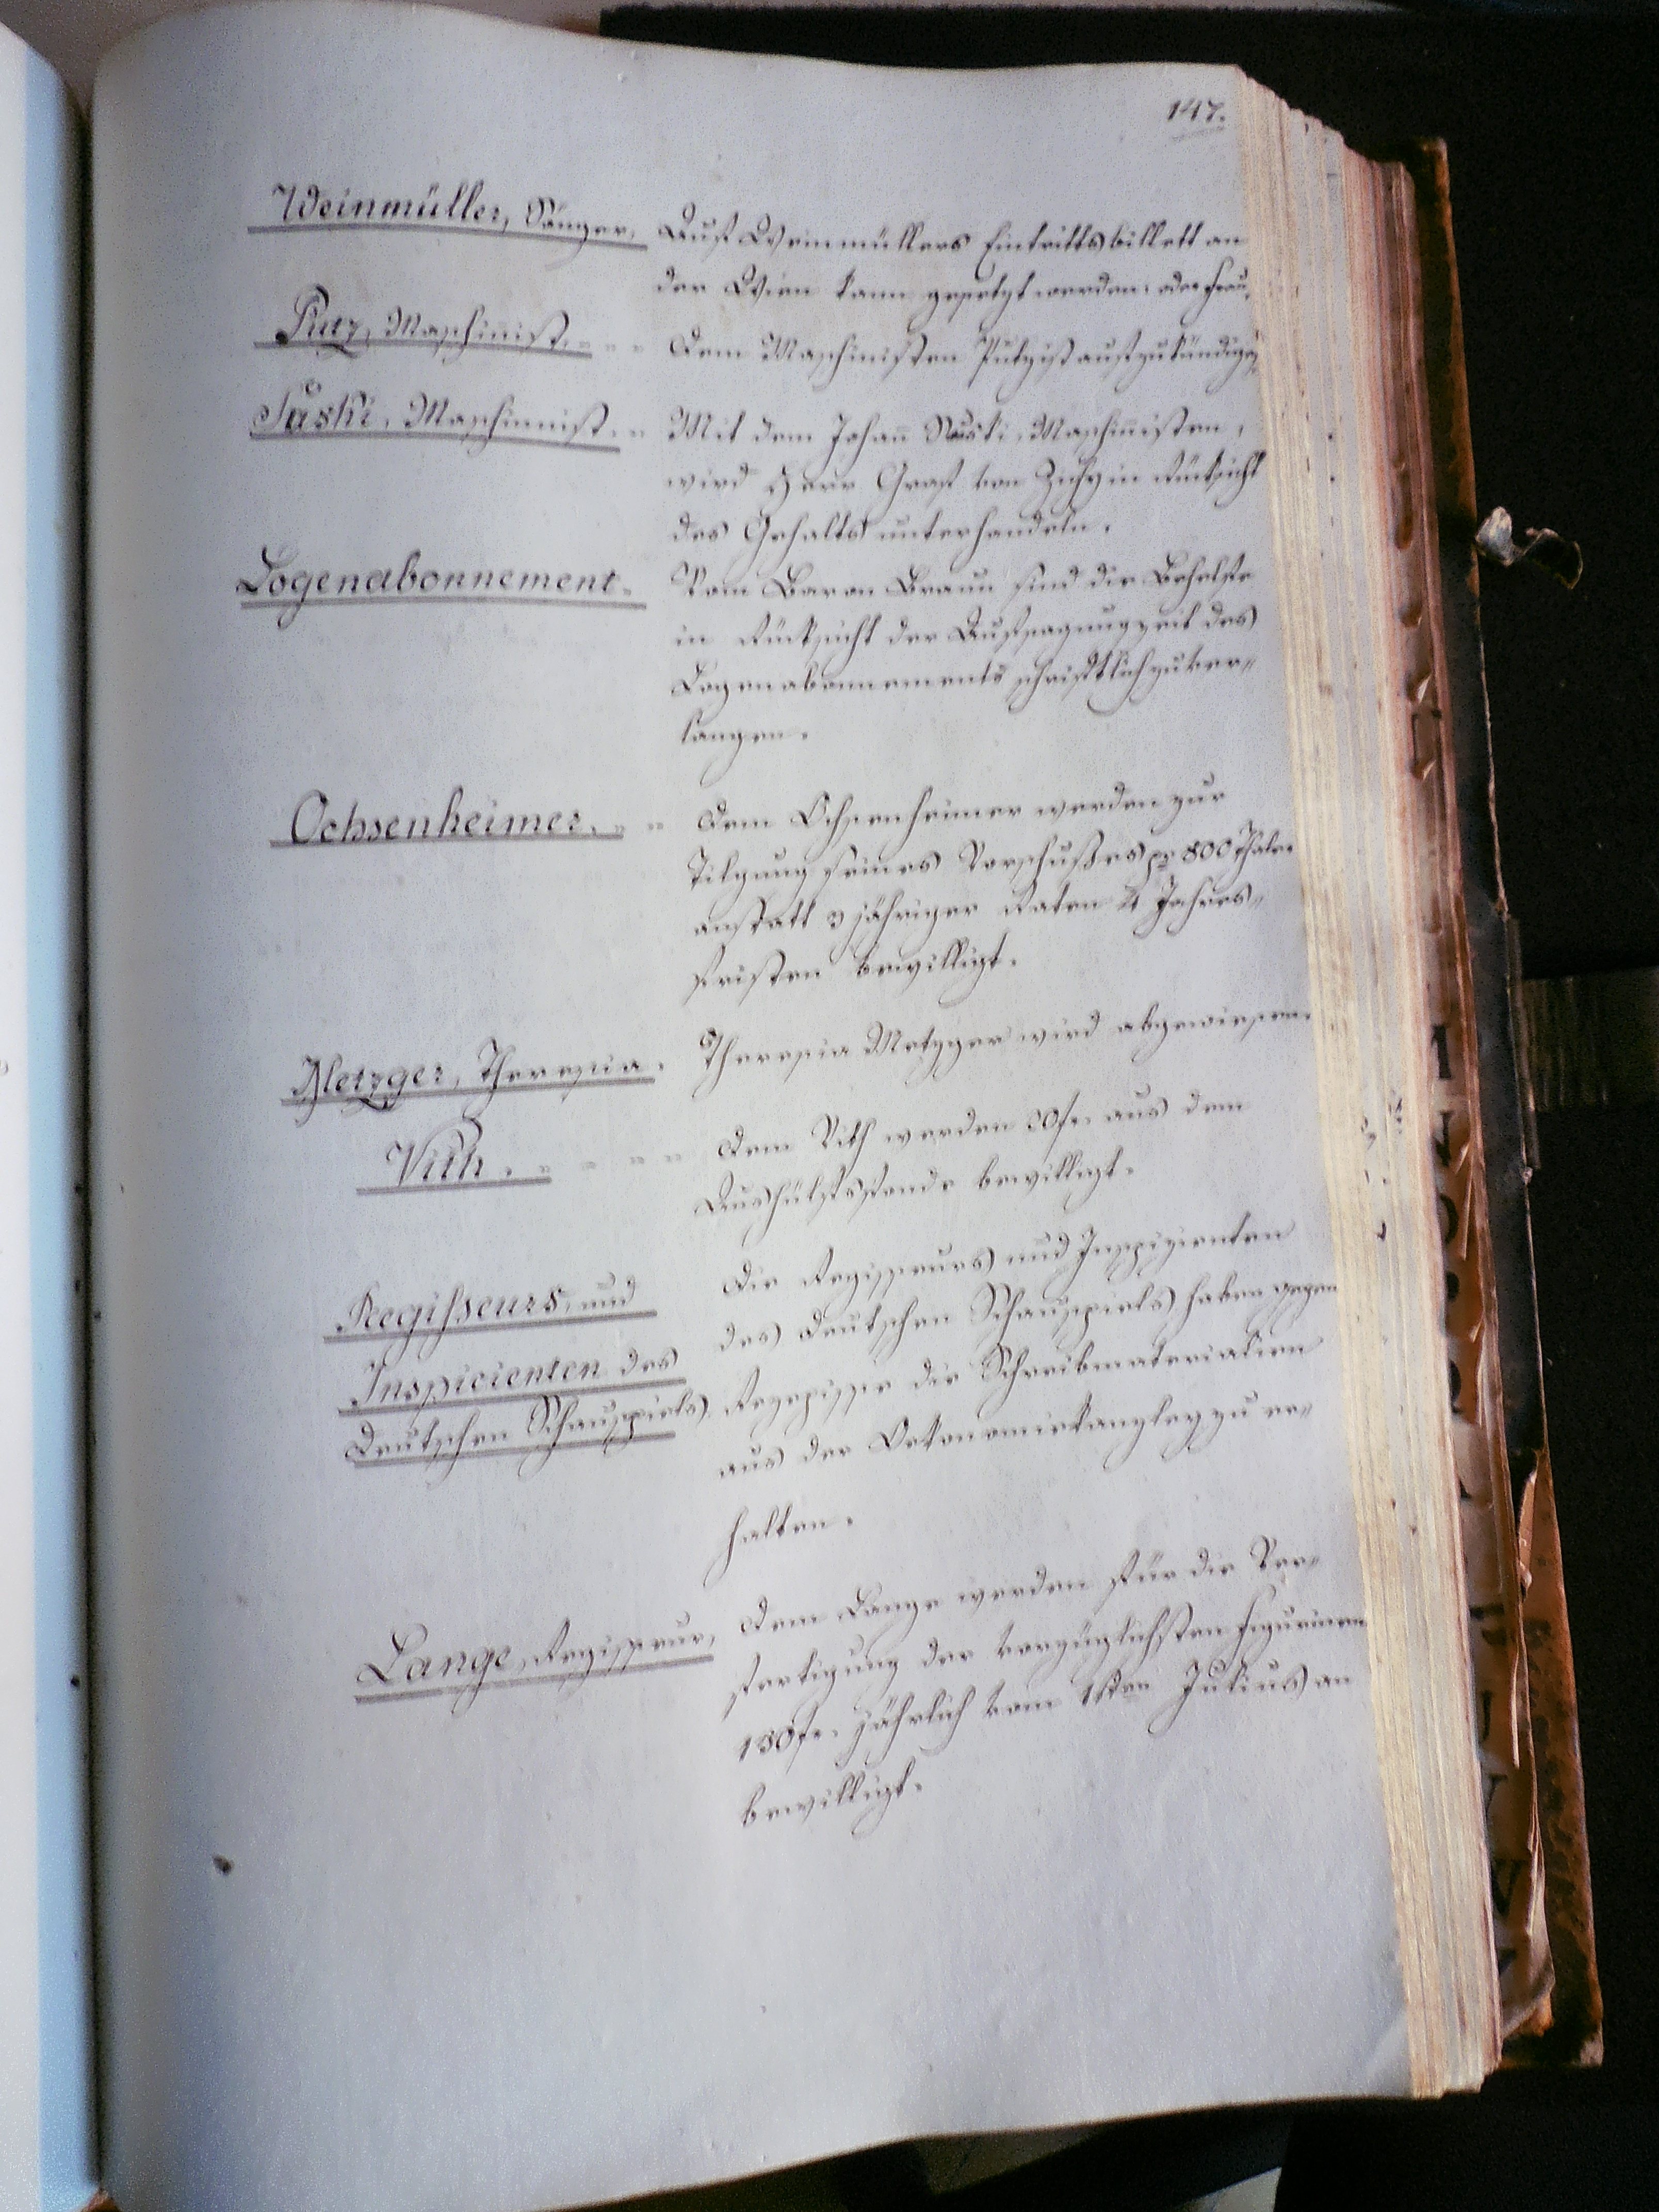147.
Weinmüller, Sänger Auf Weinmüllers Eintrittsbiltett an
der Wien kann gesetzt werden, oder Frau.
Putz, Maschinist. .. .. .. Dem Maschinisten Putz aufzukündigen.
Suski, Maschinist. .. Mit dem Johan̅ Suski Maschinisten,
wird Herr Graf von Zichy in Rücksicht
des Gehalts unterhandeln.
Logenabonnement. Vom Baron Braun sind die Behelfe
in Rücksicht der Aufsagungzeit des
Logenabonnementä schriftlich zuver¬
langen.
Ochsenheimer. .. .. Dem Ochsenheimer werden zur
Tilgung seines Vorschußes pr͇ 800 Thaler
anstatt 3 jähriger Raten 4 Jahres¬
fristen bewilligt.
Metzger, Theresia. Theresia Metzger wird abgewiesen.
Vith. .. .. .. .. Dem Vith, werden 20fr. aus dem
Aushülfsfonde bewilligt.
Regisseurs und
Inspicienten des
Deutschen Schauspiels
Die Regisseurs und Inspizienten
de Deutschen Schauspiels haben gegen
Rezepisse die Schreibmaterialien
aus der Oekonomiekanzley zu er¬
halten.
Lange, Regisseur, Dem Lange werden für die Ver¬
fertigung der vorzüglichsten Figurinen
130fr. jährlich vom 1ste͇n Julius an
bewilligt.